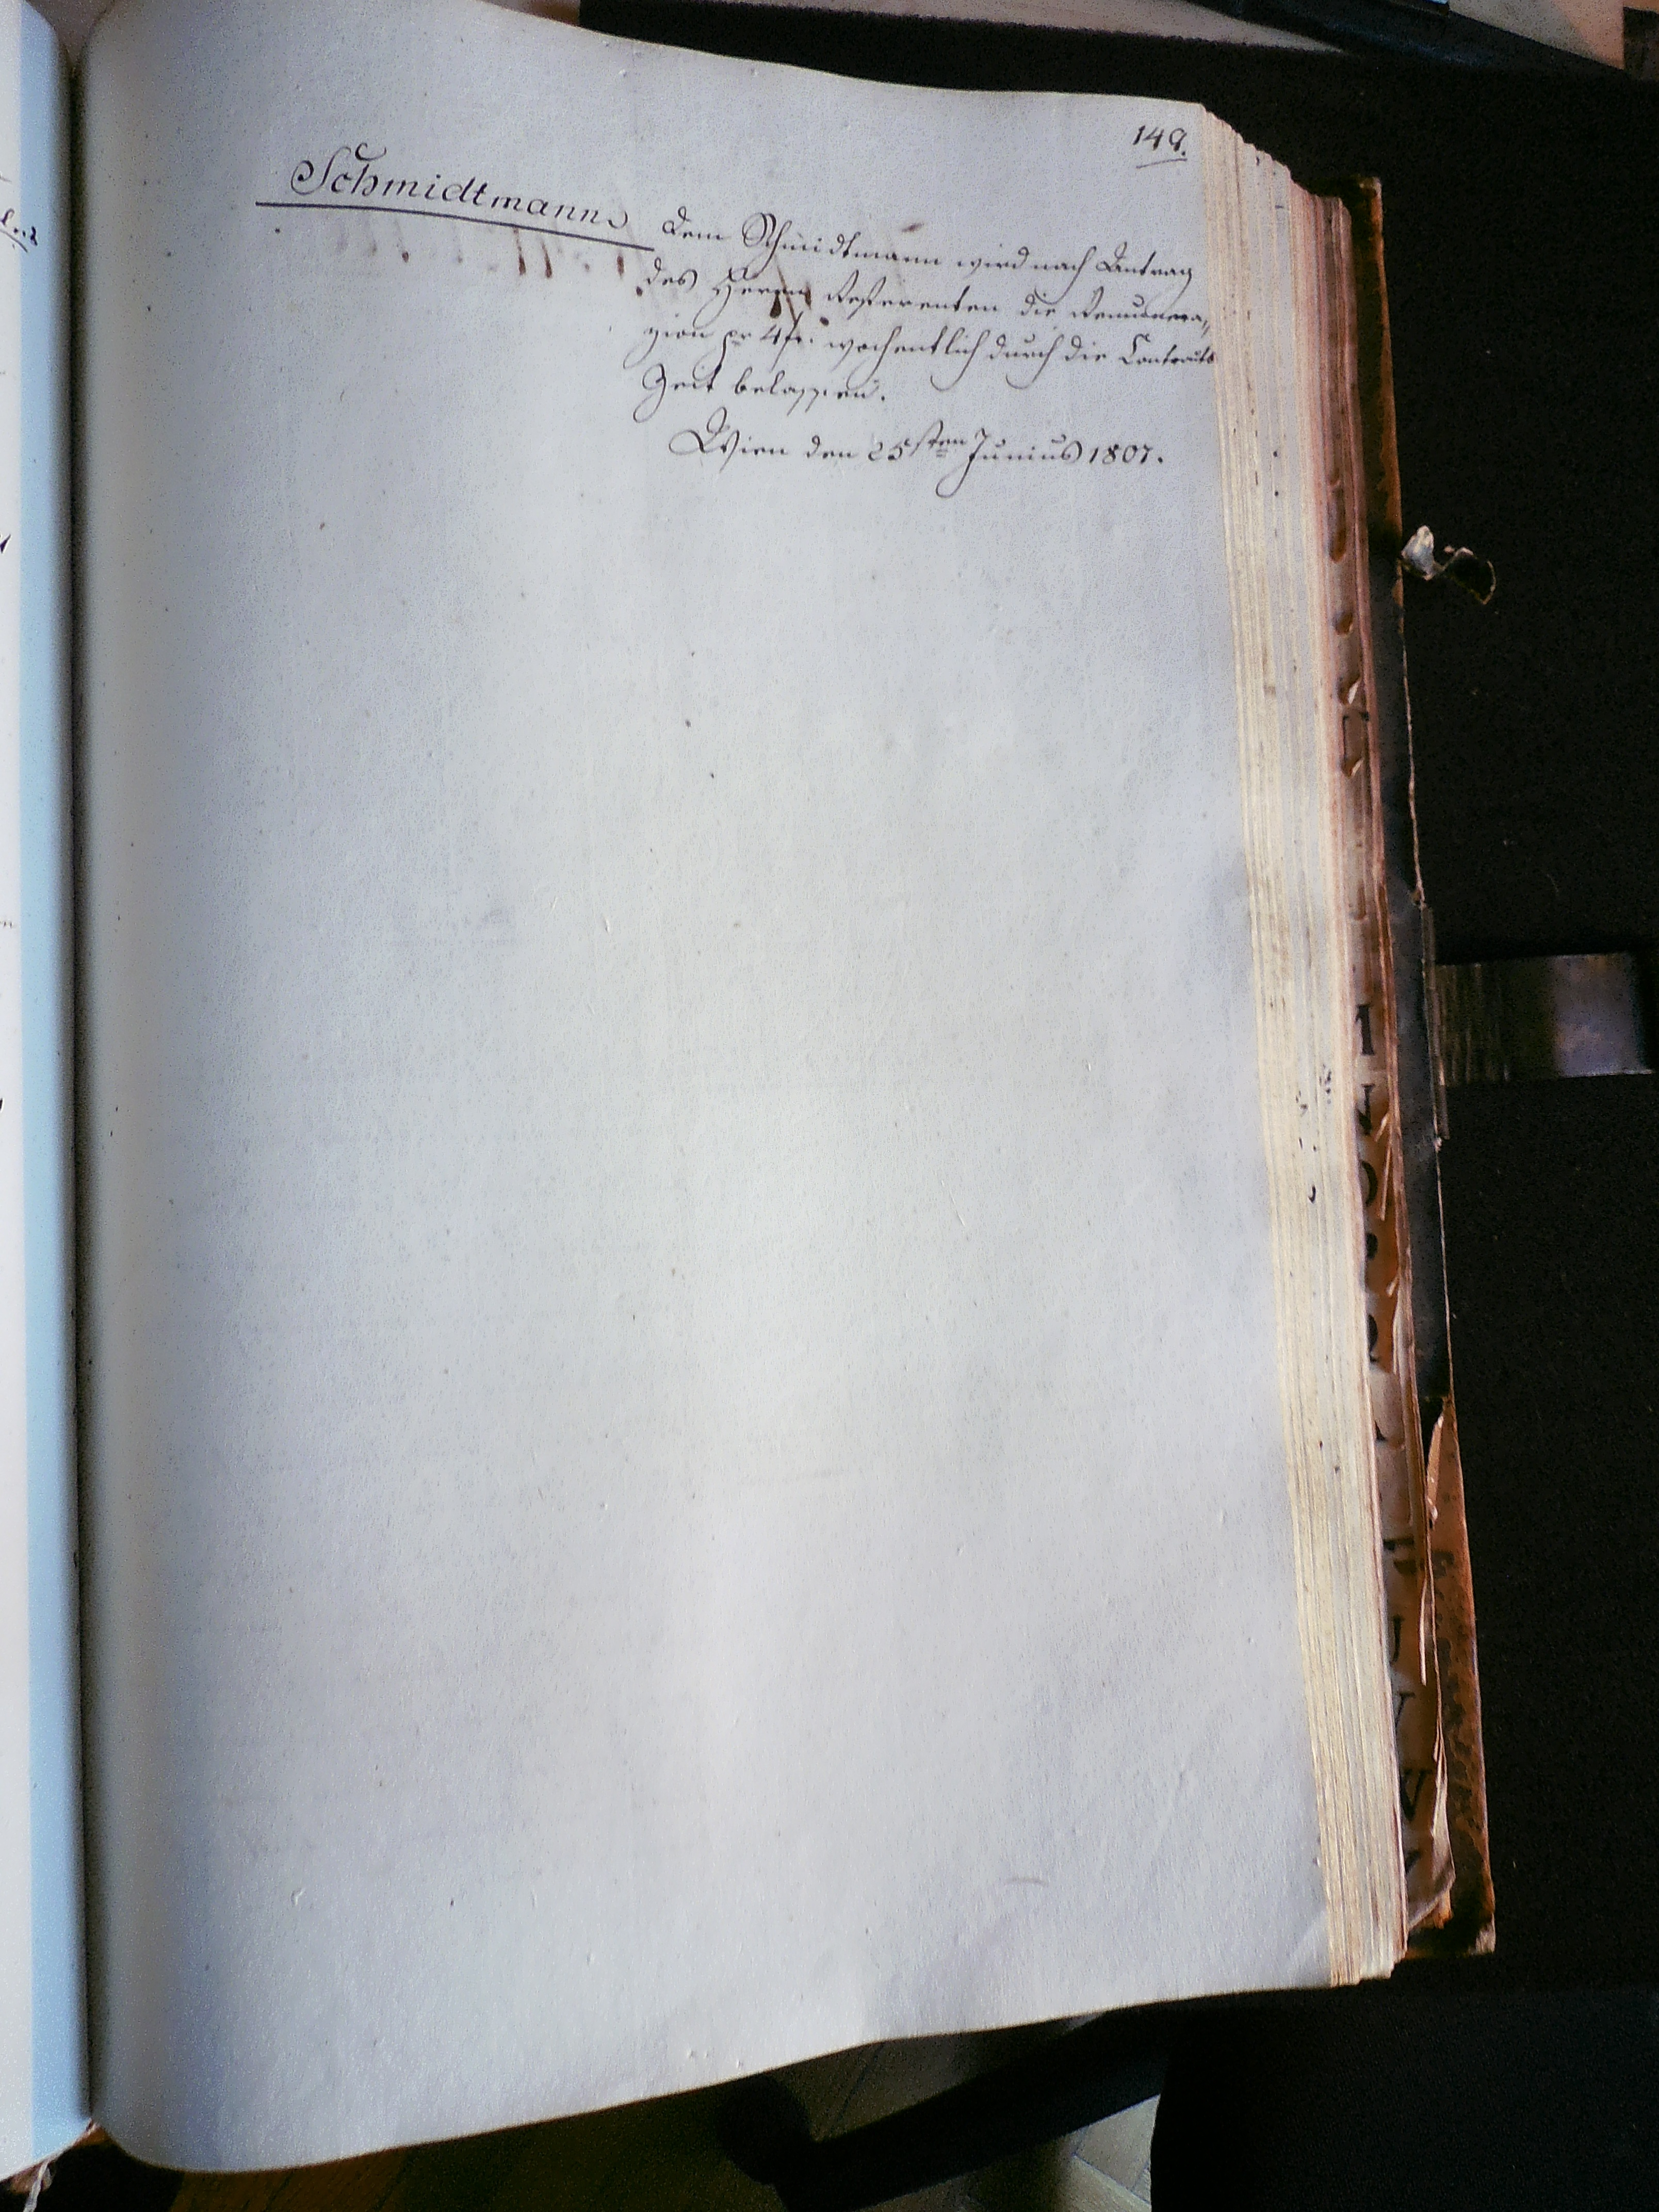149.
Schmidtmann Dem Schmidtmann wird nach Antrag
des Herrn Referenten die Remunera¬
zion pr͇ 4fr. wochentlich durch die Contracts
Zeit belassen.
Wien den 25ste͇n Junius 1807.